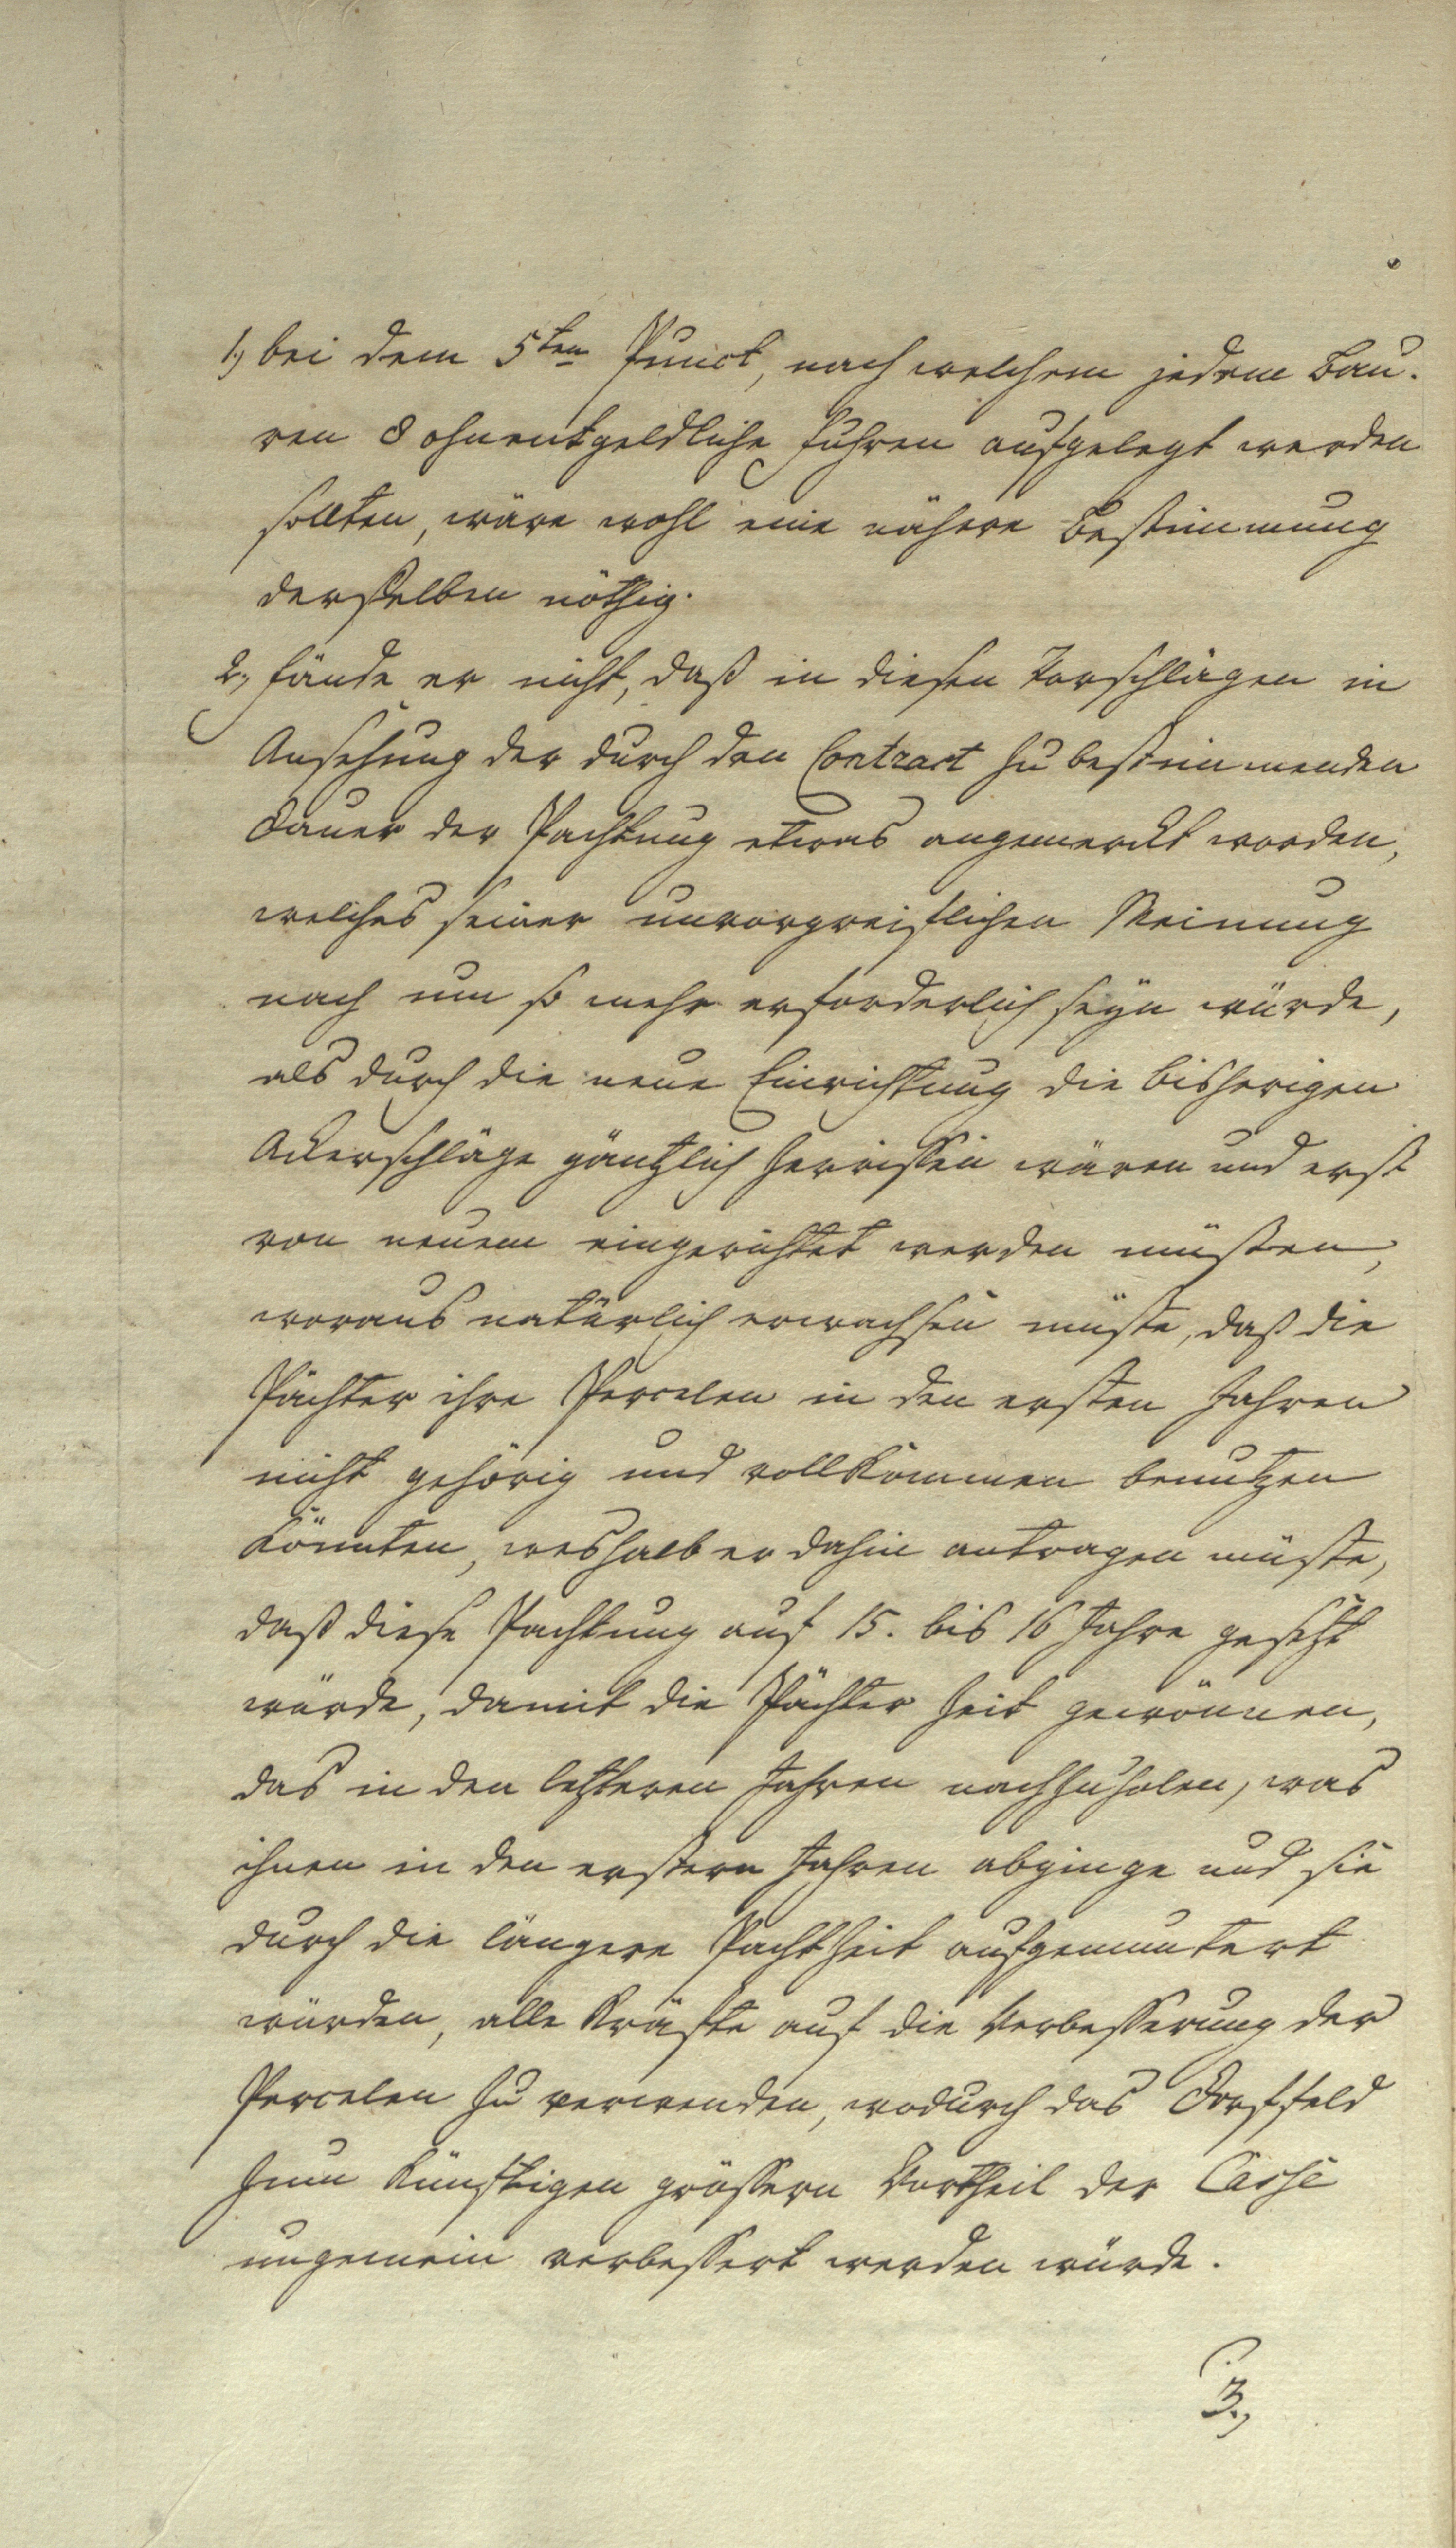1., bei dem 5ten Punkct, nach welchem jedem Bau¬
ren 8 ohnentgeldliche Fuhren aufgelegt werden
sollten, wäre wohl eine nähere Bestimmung
derselben nöthig.
2., fände er nicht, daß in diesen Vorschlägen in
Ansehung der durch den Contract zu bestimmenden
Dauer der Pachtung etwas angemerkt worden
welches seiner unvorgreiflichen Meinung
nach um so mehr erforderlich seyn würde,
als durch die neue Einrichtung die bisheringen
Ackerschläge gäntzlich zerrissen wären und erst
von neuem eingerichtet werden müßten,
woraus natürlich erwachsen müßte, daß die
Pächter ihre Parcelen in den ersten Jahren
nicht gehörig und vollkommen benutzen
könnten, weshalb er dahin antragen müßte,
daß diese Pachtung auf 15. bis 16 Jahre gesetzt
würde, damit die Pächter Zeit gewönnen,
das in den letzteren Jahren nachzuholen, was
ihnen in den ersten Jahren abginge und sie
durch die längere Pachtzeit aufgemuntert
würden, alle Kräfte auf die Verbesserung der
Parcelen zu verwenden, wodurch das Dorffeld
zum künftigen grössern Vortheil der Casse
ungemein verbessert werden würde.
3.,